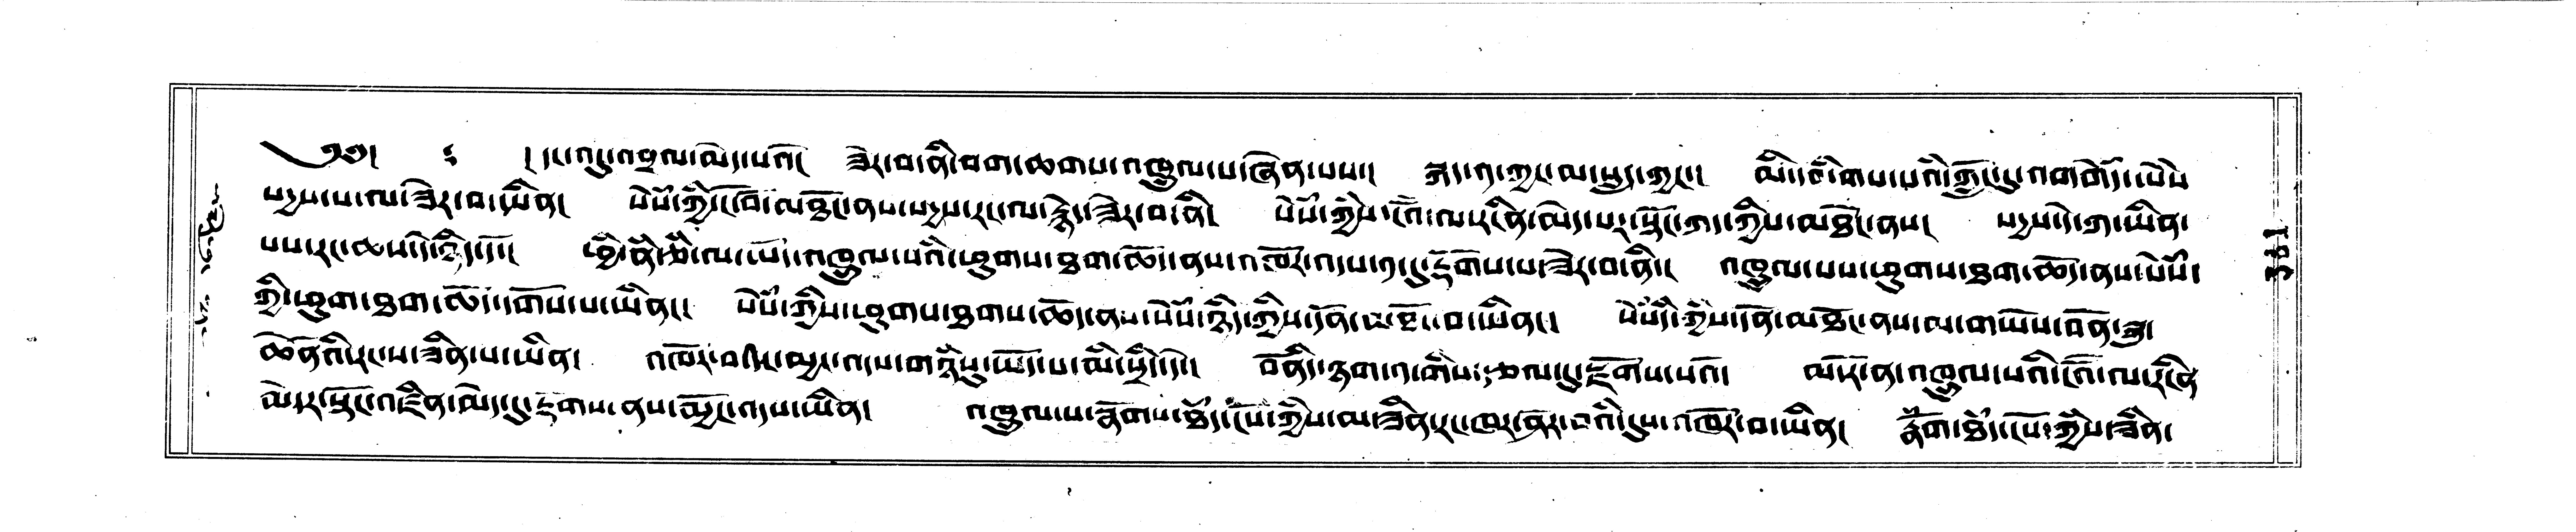དང་འདུ་འབྲལ་མེད་པའོ། ཟེར་བ་ནི་བག་ཆགས་འཁྲུལ་པའི་དྲི་མས་སྐད་ཅིག་ཀྱང་མ་བསླད་སྟེ། མི་དམིགས་པའི་ཀློང་དུ་འགག་མེད་ཀྱིས་ཡེ་ཤེས་
རྒྱ་ཡན་པ་ལ་ཟེར་བ་ཡིན། སེམས་ངོའོ་མཐོང་ན་སངས་རྒྱས་རང་ལ་རྙེད་པ་ལ་ཟེར་བ་ནི། སེམས་ཀྱིས་ངོའོ་ལ་རང་བཞིན་མེད་པར་སྟོང་ཀད་ཀྱིས་མཐོང་ན། སངས་རྒྱས་དེ་ཀ་ཡིན་
པས་རང་ཆས་དེ་ཉིད་དོ། ཕྱི་མ་ཅི་ལ་ཡོད་འཁྲུལ་པའི་ཕུ་ཐག་ཆོད་ན། འཁོར་འདས་ཅིག་ཏུ་རྟོགས་པའོ་ཟེར་བ་ནི། འཁྲུལ་པའི་ཕུ་ཐག་ཆོད་ན། སེམས་
ཀྱིས་ཕུ་ཐག་ཆོད་དགོས་པ་ཡིན། སེམས་ཀྱི་ཕུ་ཐག་ཆོད་ན་སེམས་ཉིད་ཀྱིས་དོན་མཐོང་བ་ཡིན། སེམས་ཀྱིས་དོན་མཐོང་ན་བོན་སྐུ་
ཆེན་པོའི་རང་ས་ཟིན་པ་ཡིན། མ་གཡོས་བོན་སྐུ་ཆེན་པོའི་རང་ས་ཟིན་ན། འཁོར་བ་མྱ་༼མྱང༽འདས་གཉིས་སུ་ཡོད་པར་མི་སྲིད་དོ། བོན་སྐུ་ཉག་ཅིག་ཀྱིས་རྩལ་དུ་རྫོགས་པའོ། མདོར་ན་འཁྲུལ་པའི་ངོའོ་ལ་རང་བཞིན་
མེད་པར་སྟོང་ལ་འཛིན་མེད་དུ་རྟོགས་ན་མྱང་འདས་ཡིན། འཁྲུལ་པའི་རྣམ་རྟོག་ཐམས་ཅད་ངོས་མ་ཟིན་ན། རང་ཁར་ཤོར་བའི་དུས་ལ་འཁོར་བ་ཡིན། རྣམ་རྟོག་ཐམས་ཅད་ངོས་ཀྱིས་ཟིན་